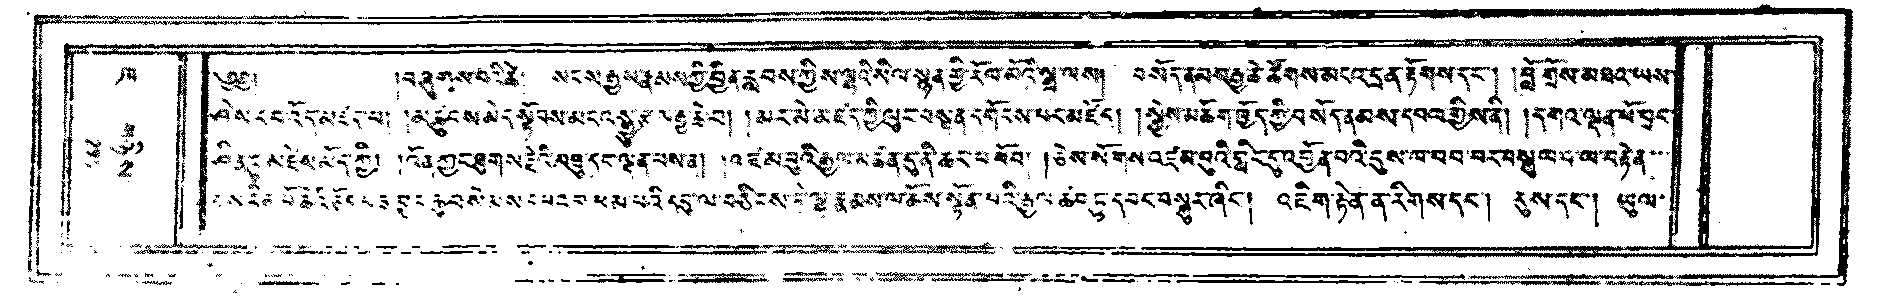༄༅། །བཞུགས་པའི་ཚེ། སངས་རྒྱས་རྣམས་ཀྱི་བྱིན་རླབས་ཀྱིས་ལྷའི་སིལ་སྙན་གྱི་རོལ་མོའི་སྒྲ་ལས། བསོད་ནམས་རྒྱ་ཆེ་ཚོགས་མངའ་དྲན་རྟོགས་དང་། །བློ་གྲོས་མཐའ་ཡས་
ཤེས་རབ་འོད་མཛད་པ། །མཚུངས་མེད་སྟོབས་མངའ་སྒྱུ་རྩལ་རྒྱ་ཆེ་བ། །མར་མེ་མཛད་ཀྱི་ལུང་བསྟན་དགོངས་པར་མཛོད། །སྐྱེས་མཆོག་ཁྱོད་ཀྱི་བསོད་ནམས་དཔལ་གྱིས་ནི། །དགའ་ལྡན་ཕོ་བྲང་
ཤིན་ཏུ་མཛེས་མོད་ཀྱི། །འོན་ཀྱང་ཐུགས་རྗེའི་མཐུ་དང་ལྡན་པས་ན། །འཛམ་བུའི་རྒྱལ་མཚན་དུ་ནི་ཆར་པ་ཕོབ། །ཅེས་སོགས་འཛམ་བུའི་གླིང་དུ་འབྱོན་པའི་དུས་ལ་བབ་པར་བསྐུལ་བ་ལ་བརྟེན་
ནས་རིན་པོ་ཆེའི་ཅོད་པན་བྱང་ཆུབ་སེམས་དཔའ་མ་ཕམ་པའི་དབུ་ལ་བཅིངས་ཏེ་ལྷ་རྣམས་ལ་ཆོས་སྟོན་པའི་རྒྱལ་ཚབ་ཏུ་དབང་བསྐུར་ཞིང་། འཇིག་རྟེན་ན་རིགས་དང་། རུས་དང་། ཡུལ་